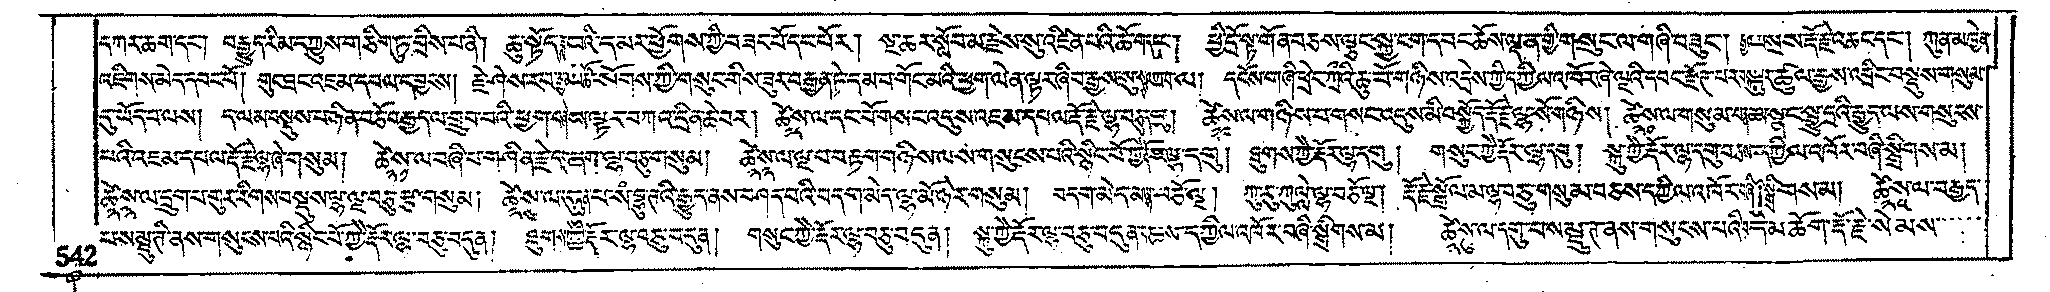དཀར་ཆག་དང་། བརྒྱུད་རིམ་དཀྱུས་གཅིག་ཏུ་བྲིས་པ་ནི། ཆུ་སྟོད་ཟླ་བའི་དམར་ཕྱོགས་ཀྱི་བཟང་པོ་དང་པོར། སྔ་ཆར་སློབ་མ་རྗེས་སུ་འཛིན་པའི་ཆོ་ག་དང་། ཕྱི་དྲོ་སྟ་གོན་བཅས་ལྕང་སྐྱ་ངག་དབང་ཆོས་ལྡན་གྱི་གསུང་ལ་གཞི་བཟུང་། རྒྱལ་སྲས་རྡོ་རྗེ་འཆང་དང་། ཀུན་མཁྱེན་
འཇིགས་མེད་དབང་པོ། གུང་ཐང་འཇམ་དཔལ་དབྱངས། རྗེ་ཤེས་རབ་རྒྱ་མཚོ་སོགས་ཀྱི་གསུང་གིས་ཟུར་བརྒྱ་ན་ཏེ་དམ་པ་གོང་མའི་ཕྱག་ལེན་ལྟར་ཞིབ་རྒྱས་སུ་སྩལ་བ་ལ། དངོས་གཞི་ཕྲེང་ཀྲྀའི་ཆུ་བོ་གཉིས་འདྲེས་ཀྱི་དཀྱིལ་འཁོར་ཞེ་ལྔའི་དབང་རྫོཌ་པར་བསྐུར་ཚུལ་རྒྱས་འབྲིང་བསྡུས་གསུམ་
དུ་ཡོད་པ་ལས། ད་ལམ་བསྡུས་པ་ཉིན་བཅོ་བརྒྱད་ལ་གྲུབ་པའི་ཕྱག་བཞེས་ལྟར་བཀའ་དྲིན་ཆེ་བར། ཚེས ༡༨་ལ་དང་པོ་གསང་འདུས་འཇམ་དཔལ་རྡོ་རྗེ་ལྷ་བཅུ་དགུ། ཚེས ༡༩་ལ་གཉིས་པ་གསང་འདུས་མི་བསྐྱོད་རྡོ་རྗེ་ལྷ་སོ་གཉིས། ཚེས ༢༠་ལ་གསུམ་པ་རྣམ་སྣང་རྒྱུ་དྲའི་རྒྱུད་ལས་གསུངས་
པའི་འཇམ་དཔལ་རྡོ་རྗེ་ལྷ་ཞེ་གསུམ། ཚེས ༢༡་ལ་བཞི་པ་གཤིན་རྗེ་དགྲ་ནག་ལྷ་བཅུ་གསུམ། ཚེས ༢༢་ལ་ལྔ་པ་བརྟག་གཉིས་ལས་གསུངས་པའི་སྙིང་པོ་ཀྱཻ་རྡོར་ལྷ་དགུ། ཐུགས་ཀྱཻ་རྡོར་ལྷ་དགུ། གསུང་ཀྱཻ་རྡོར་ལྷ་དགུ །གསུང་ཀྱཻ་རྡོ་ལྷ་དགུ། སྐུ་ཀྱཻ་རྡོ་ལྷ་དགུ་བཅས་དཀྱིལ་འཁོར་བཞི་སྒྲིགས་མ།
ཚེས ༢༣་ལ་དྲུག་པ་གུར་རིམས་བསྡུས་ལྷ་ལྔ་བཅུ་རྩ་གསུམ། ཚེས ༢༤་ལ་བདུན་པ་སཾ་བྷུ་ཊའི་རྒྱུད་ནས་བཤད་པའི་བདག་མེད་ལྷ་མོ་ཉེར་གསུམ། བདག་མེད་མ་ལྷ་བཅོ་ལྔ། ཀུ་རུ་ཀུ་ལླེ་ལྷ་བཅོ་ལྔ། རྡོ་རྗེ་སྒྲོལ་མ་ལྷ་བཅུ་གསུམ་བཅས་དཀྱིལ་འཁོར་བཞི་སྒྲིགས་མ། ཚེས ༢༤་ལ་བརྒྱད་
པ་སམྦུ་ཊི་ནས་གསུངས་པའི་སྙིང་པོ་ཀྱཻ་རྡོར་ལྷ་བཅུ་བདུན། ཐུགས་ཀྱཻ་རྡོར་ལྷ་བཅུ་བདུན། གསུང་ཀྱཻ་རྡོར་ལྷ་བཅུ་བདུན། སྐུ་ཀྱཻ་རྡོར་ལྷ་བཅུ་བདུན་བཅས་དཀྱིལ་འཁོར་བཞི་སྒྲིགས་མ། ཚེས ༢༦་ལ་དགུ་པས་མྦུ་ཊ་ནས་གསུངས་པའི་བདེ་མཆོག་རྡོ་རྗེ་སེམས་